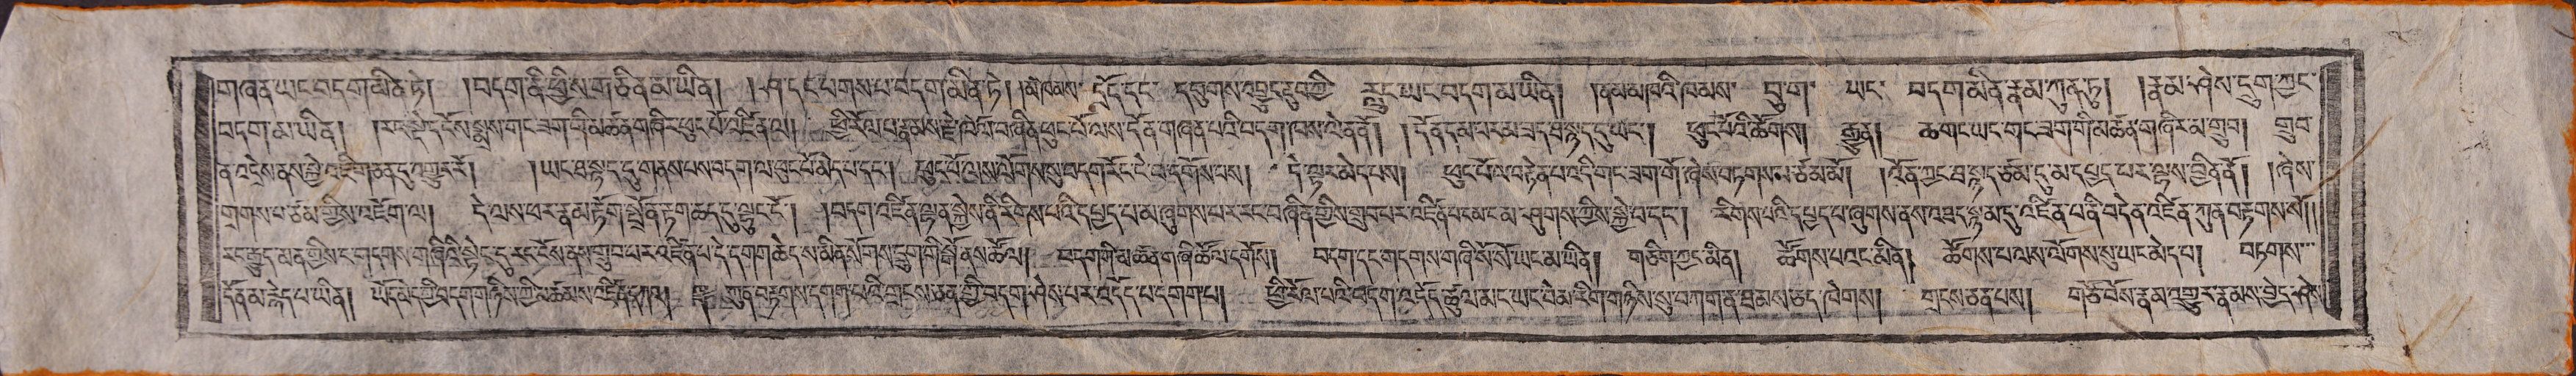གཞན་ཡང་བདག་མིན་ཏེ། །བདག་ནི་ཕྱིས་གཅིན་མ་ཡིན། །ཤ་དང་པགས་པ་བདག་མིན་ཏེ། །མེ་ཁམས་དྲོད་དང་དབུགས་འབྱུང་རྡུབ་ཀྱི་རླུང་ཡང་བདག་མ་ཡིན། །ནམ་མཁའི་ཁམས་བུ་ག་ཡང་བདག་མིན་རྣམས་ཀུན་ཏུ། །རྣམ་ཤེས་དྲུག་ཀྱང་
བདག་མ་ཡིན། །རང་སྡེ་དངོས་སྨྲས་གང་ཟག་གི་མཚན་གཞིར་ཕུང་པོ་འཛིན་ལ། ཕྱི་རོལ་པ་རྣམས་རྗེ་ཁོལ་བཞིན་ཕུང་པོ་ལས་དོན་གཞན་པའི་བདག་ཁས་ལེན་ནོ། །དོན་དམ་པར་མ་ཟད་ཐ་སྙད་དུ་ཡང་། ཕུང་པོའི་ཚོགས། རྒྱུན། ཆ་གང་ཡང་གང་ཟག་གི་མཚན་གཞིར་མ་གྲུབ། གྲུབ་
ན་འདྲེས་ནས་སྐྱེ་འཇིག་ཅན་དུ་འགྱུར་རོ། །ཡང་ཐ་སྙད་དུ་གནས་པས་བདག་ལ་ཕུང་པོ་མེད་པ་དང་། ཕུང་པོ་ལས་ལོགས་སུ་བདག་རོང་དེ་བ་དགོས་པས། དེ་ལྟར་མེད་པས། ཕུང་པོ་ལ་བརྟེན་པ་འདི་གང་ཟག་གོ་ཞེས་བཏགས་པ་ཙམ་མོ། །འོན་ཀྱང་ཐ་སྙད་ཙམ་དུ་མ་དཔྱད་པར་ལྷས་བྱིན་ནོ། །ཞེས་
གྲགས་པ་ཙམ་གྱིས་འཇོག་ལ། དེ་ལས་ཕར་རྣམ་རྟོག་སྤྲོ་ན་རྟག་ཆད་དུ་ལྷུང་ངོ། །བདག་འཛིན་ལྷན་སྐྱེས་ནི་རིགས་པའི་དཔྱད་པ་མ་ཞུགས་པར་རང་བཞིན་གྱིས་གྲུབ་པར་འཛིན་པ་དམ་ངམ་ཤུགས་ཀྱིས་སྐྱེ་བ་དང་། རིགས་པའི་དཔྱད་པ་ཞུགས་ནས་འཐད་སྙམ་དུ་འཛིན་པ་ནི་བདེན་འཛིན་ཀུན་བརྟགས་སོ། །
རང་རྒྱུད་མན་གྱིས་ང་གདགས་གཞིའི་སྟེང་དུ་རང་ངོས་ནས་གྲུབ་པར་འཛིན་པ་དེ་དགག་ཆེད་ས་མིན་སོགས་དྲུག་གི་སྒོ་ནས་ཚོལ། བདག་གི་མཚན་གཞི་ཚོལ་དགོས། བདག་དང་གདགས་གཞི་སོ་སོ་ཡང་མ་ཡིན། གཅིག་ཀྱང་མིན། ཚོགས་པའང་མིན། ཚོགས་པ་ལས་ལོགས་སུ་ཡང་མེད་པ། བརྟགས་
དོན་མ་རྙེད་པ་ཡིན། ཡོད་མེད་ཀྱི་བདག་གཉིས་ཀྱི་མཚམས་འཛིན་དཀའ། ༈ ཀུན་བརྟགས་དགག་པའི་གྲངས་ཅན་གྱི་བདག་ཤེས་པར་འདོད་པ་དགག་པ། ཕྱི་རོལ་པའི་བདག་འདོད་ཚུལ་མང་ཡང་བེམ་རིག་གཉིས་སུ་བཀག་ན་ཐམས་ཅད་ཁེགས། གྲངས་ཅན་པས། གཙོ་བོས་རྣམ་འགྱུར་རྣམས་བྱེད་ཤེས